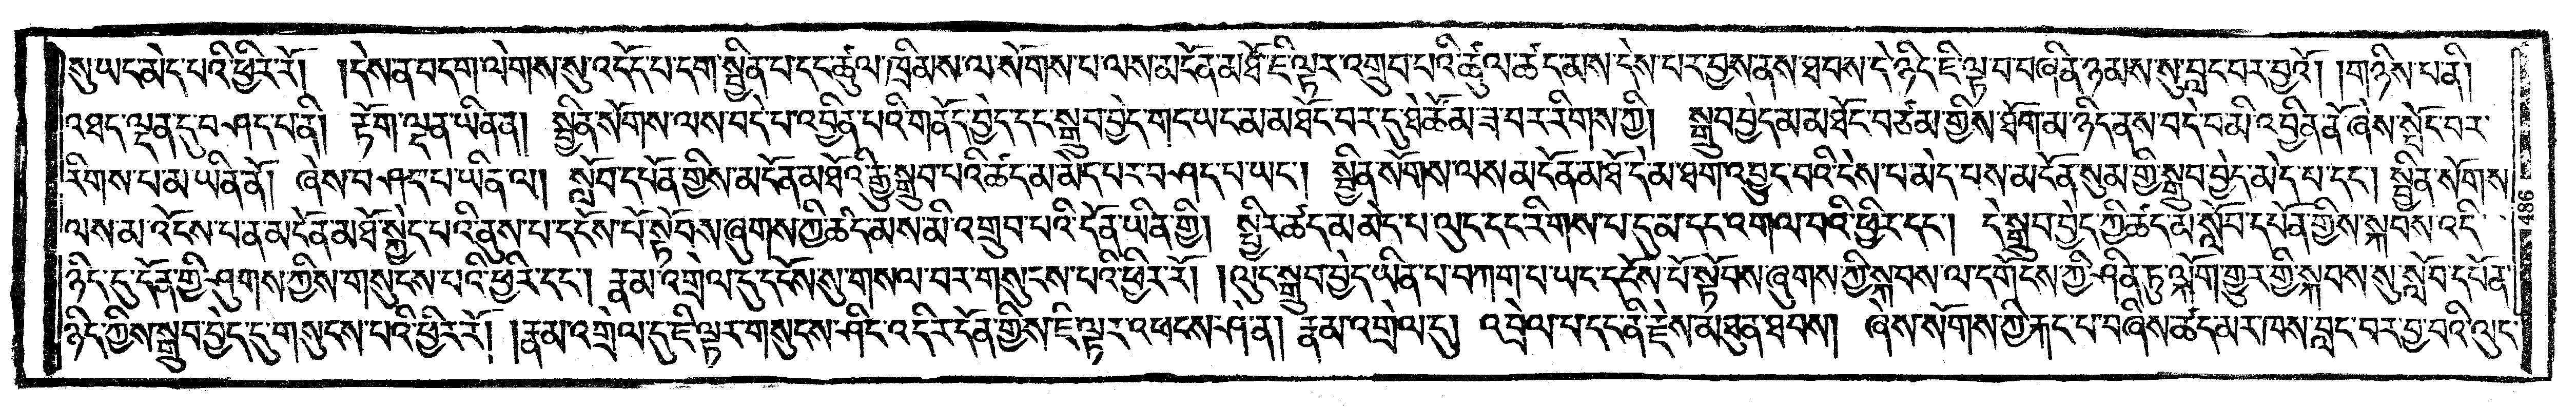སུ་ཡང་མེད་པའི་ཕྱིར་རོ། །དེས་ན་བདག་ལེགས་སུ་འདོད་པ་དག་སྦྱིན་པ་དང་ཚུལ་ཁྲིམས་ལ་སོགས་པ་ལས་མངོན་མཐོ་ཇི་ལྟར་འགྲུབ་པའི་ཚུལ་ཚད་མས་ངེས་པར་བྱས་ནས་ཐབས་དེ་ཉིད་ཇི་ལྟ་བ་བཞིན་ཉམས་སུ་བླང་བར་བྱའོ། །གཉིས་པ་ནི།
འཐད་ལྡན་དུ་བཤད་པ་ནི། རྟོག་ལྡན་ཡིན་ན། སྦྱིན་སོགས་ལས་བདེ་པ་འབྱིན་པའི་གནོད་བྱེད་དང་སྒྲུབ་བྱེད་གང་ཡང་མ་མཐོང་བར་དུ་ཐེ་ཚོམ་ཟ་བར་རིགས་ཀྱི། སྒྲུབ་བྱེད་མ་མཐོང་བ་ཙམ་གྱིས་ཐོག་མ་ཉིད་ནས་བདེ་བ་མི་འབྱིན་ནོ་ཞེས་སྤོང་བར་
རིགས་པ་མ་ཡིན་ནོ། ཞེས་བཤད་པ་ཡིན་ལ། སློབ་དཔོན་གྱིས་མངོན་མཐོའི་རྒྱུ་སྒྲུབ་པའི་ཚད་མ་མེད་པར་བཤད་པ་ཡང་། སྦྱིན་སོགས་ལས་མངོན་མཐོ་དེ་མ་ཐག་འབྱུང་བའི་ངེས་པ་མེད་པས་མངོན་སུམ་གྱི་སྒྲུབ་བྱེད་མེད་པ་དང་། སྦྱིན་སོགས་
ལས་མ་འོངས་པ་ན་མངོན་མཐོ་སྐྱེད་པའི་ནུས་པ་དངོས་པོ་སྟོབས་ཞུགས་ཀྱི་ཚད་མས་མི་འགྲུབ་པའི་དོན་ཡིན་གྱི། སྤྱིར་ཚད་མ་མེད་པ་ལུང་དང་རིགས་པ་དུ་མ་དང་འགལ་བའི་ཕྱིར་དང་། དེ་སྒྲུབ་བྱེད་ཀྱི་ཚད་མ་སློབ་དཔོན་གྱིས་སྐབས་འདི་
ཉིད་དུ་དོན་གྱི་ཤུགས་ཀྱིས་གསུངས་པའི་ཕྱིར་དང་། རྣམ་འགྲེལ་དུ་དངོས་སུ་གསལ་བར་གསུངས་པའི་ཕྱིར་རོ། །ལུང་སྒྲུབ་བྱེད་ཡིན་པ་བཀག་པ་ཡང་དངོས་པོ་སྟོབས་ཞུགས་ཀྱི་སྐབས་ལ་དགོངས་ཀྱི་ཤིན་ཏུ་ལྐོག་གྱུར་གྱི་སྐབས་སུ་སློབ་དཔོན་
ཉིད་ཀྱིས་སྒྲུབ་བྱེད་དུ་གསུངས་པའི་ཕྱིར་རོ། །རྣམ་འགྲེལ་དུ་ཇི་ལྟར་གསུངས་ཤིང་འདིར་དོན་གྱིས་ཇི་ལྟར་འཕངས་ཤེ་ན། རྣམ་འགྲེལ་དུ། འབྲེལ་པ་དང་ནི་རྗེས་མཐུན་ཐབས། ཞེས་སོགས་ཀྱི་རྐང་པ་བཞིས་ཚད་མར་ཁས་བླངས་བར་བྱ་བའི་ལུང་